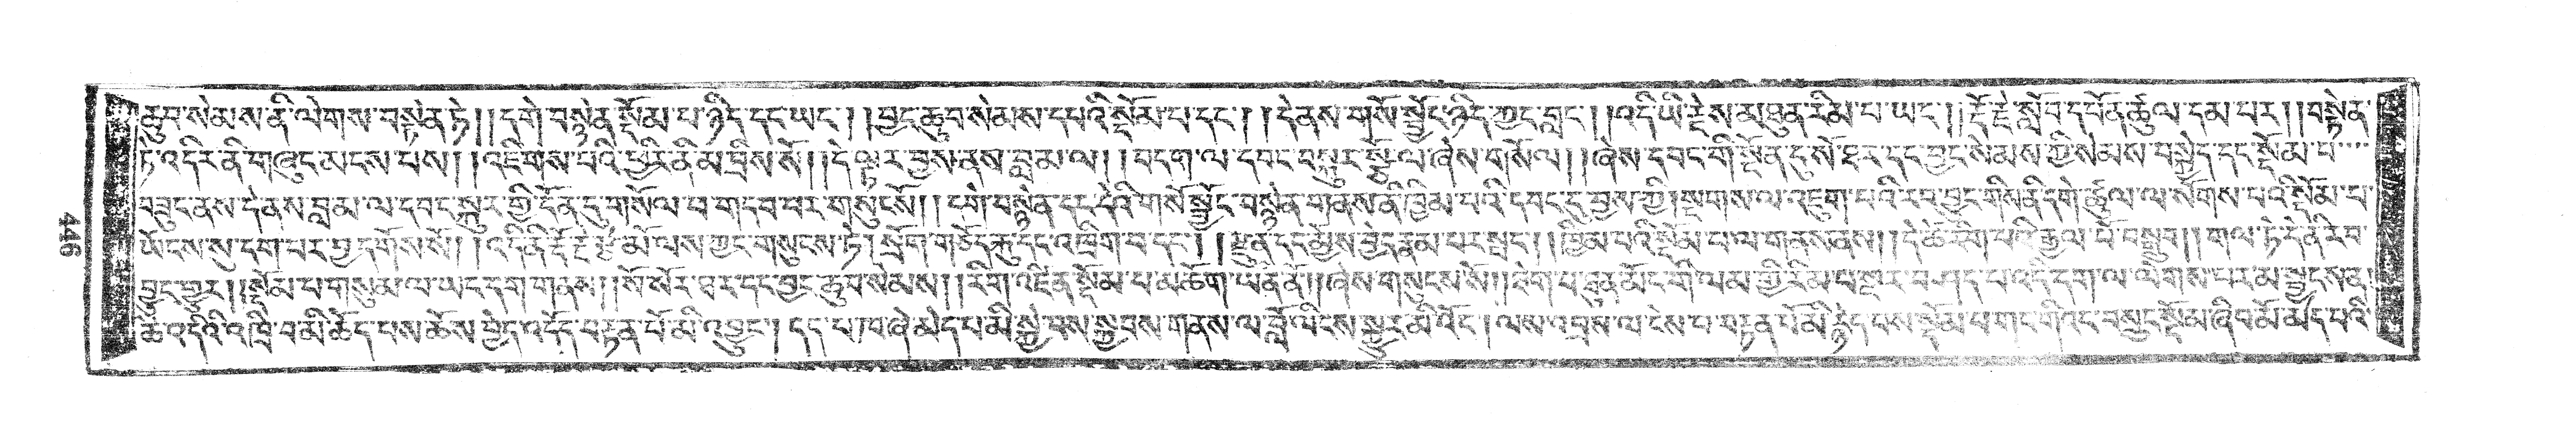ཆུབ་སེམས་ནི་ལེགས་བསྟེན་ཏེ། །དགེ་བསྙེན་སྡོམ་པ་ཉིད་དང་ཡང་། །བྱང་ཆུབ་སེམས་དཔའི་སྡོམ་པ་དང་། །དེ་ནས་གསོ་སྦྱོང་ཉིད་ཀྱང་བླང་། །འདི་ཡི་རྗེས་མཐུན་རིམ་པ་ཡང་། །རྡོ་རྗེ་སློབ་དཔོན་ཚུལ་དམ་པར། །བསྟེན་
ཏེ་འདིར་ནི་གཞུང་མངས་པས། །འཇིགས་པའི་ཕྱིར་ནི་མ་བྲིས་སོ། །དེ་ལྟར་བྱས་ནས་བླ་མ་ལ། །བདག་ལ་དབང་བསྐུར་སྩོལ་ཞེས་གསོལ། །ཞེས་དབང་གི་སྔོན་དུ་སོ་ཐར་དང་བྱང་སེམས་ཀྱི་སེམས་བསྐྱེད་དང་སྡོམ་པ་
བཟུང་ནས་དེ་ནས་བླ་མ་ལ་དབང་སྐུར་གྱི་དོན་དུ་གསོལ་བ་གདབ་པར་གསུངས་སོ། །དགེ་བསྙེན་དང་དེའི་གསོ་སྦྱོང་བསྙེན་གནས་ནི་ཁྱིམ་པའི་དབང་དུ་བྱས་ཀྱི། སྔགས་ལ་འཇུག་པའི་རབ་བྱུང་གིས་ནི་དགེ་ཚུལ་ལ་སོགས་པའི་སྡོམ་པ་
ཡོངས་སུ་དག་པར་བྱ་དགོས་སོ། །འདི་ནི་རྡོ་རྗེ་རྩེ་མོ་ལས་ཀྱང་གསུངས་ཏེ། སྲོག་གཅོད་རྐུ་དང་འཁྲིག་པ་དང་། །རྫུན་དང་མྱོས་བྱེད་རྣམ་པར་སྤང་། །ཁྱིམ་པའི་སྡོམ་པ་ལ་གནས་ནས། །དེ་ཚེ་རིག་པའི་རྒྱལ་པོ་བསྒྲུབ། །གལ་ཏེ་དེ་ནི་རབ་
བྱུང་གྱུར། །སྡོམ་པ་གསུམ་ལ་ཡང་དག་གནས། །སོ་སོར་ཐར་དང་བྱང་ཆུབ་སེམས། །རིག་འཛིན་སྡོམ་པ་མཆོག་ཡིན་ནོ། །ཞེས་གསུངས་སོ། །ཐེག་པ་ཐུན་མོང་གི་ལམ་གྱི་རིམ་པ་སྔར་བཤད་པ་འདི་དག་ལ་ལེགས་པར་མ་སྦྱངས་ན།
ཚེ་འདིའི་འཁྲི་བ་མི་ཆོད་པས་ཆོས་བྱེད་འདོད་བརྟན་པོ་མི་འབྱུང་། དད་པ་ཁ་ཞེ་མེད་པ་མི་སྐྱེ་བས་སྐྱབས་གནས་ལ་བློ་ལིངས་སྐྱུར་མི་འོང་། ལས་འབྲས་ལ་ངེས་པ་བརྟན་པོ་མི་རྙེད་པས་སྡོམ་པ་གང་གིའང་བསྲུང་སྡོམ་ཞིབ་མོ་མེད་པའི་